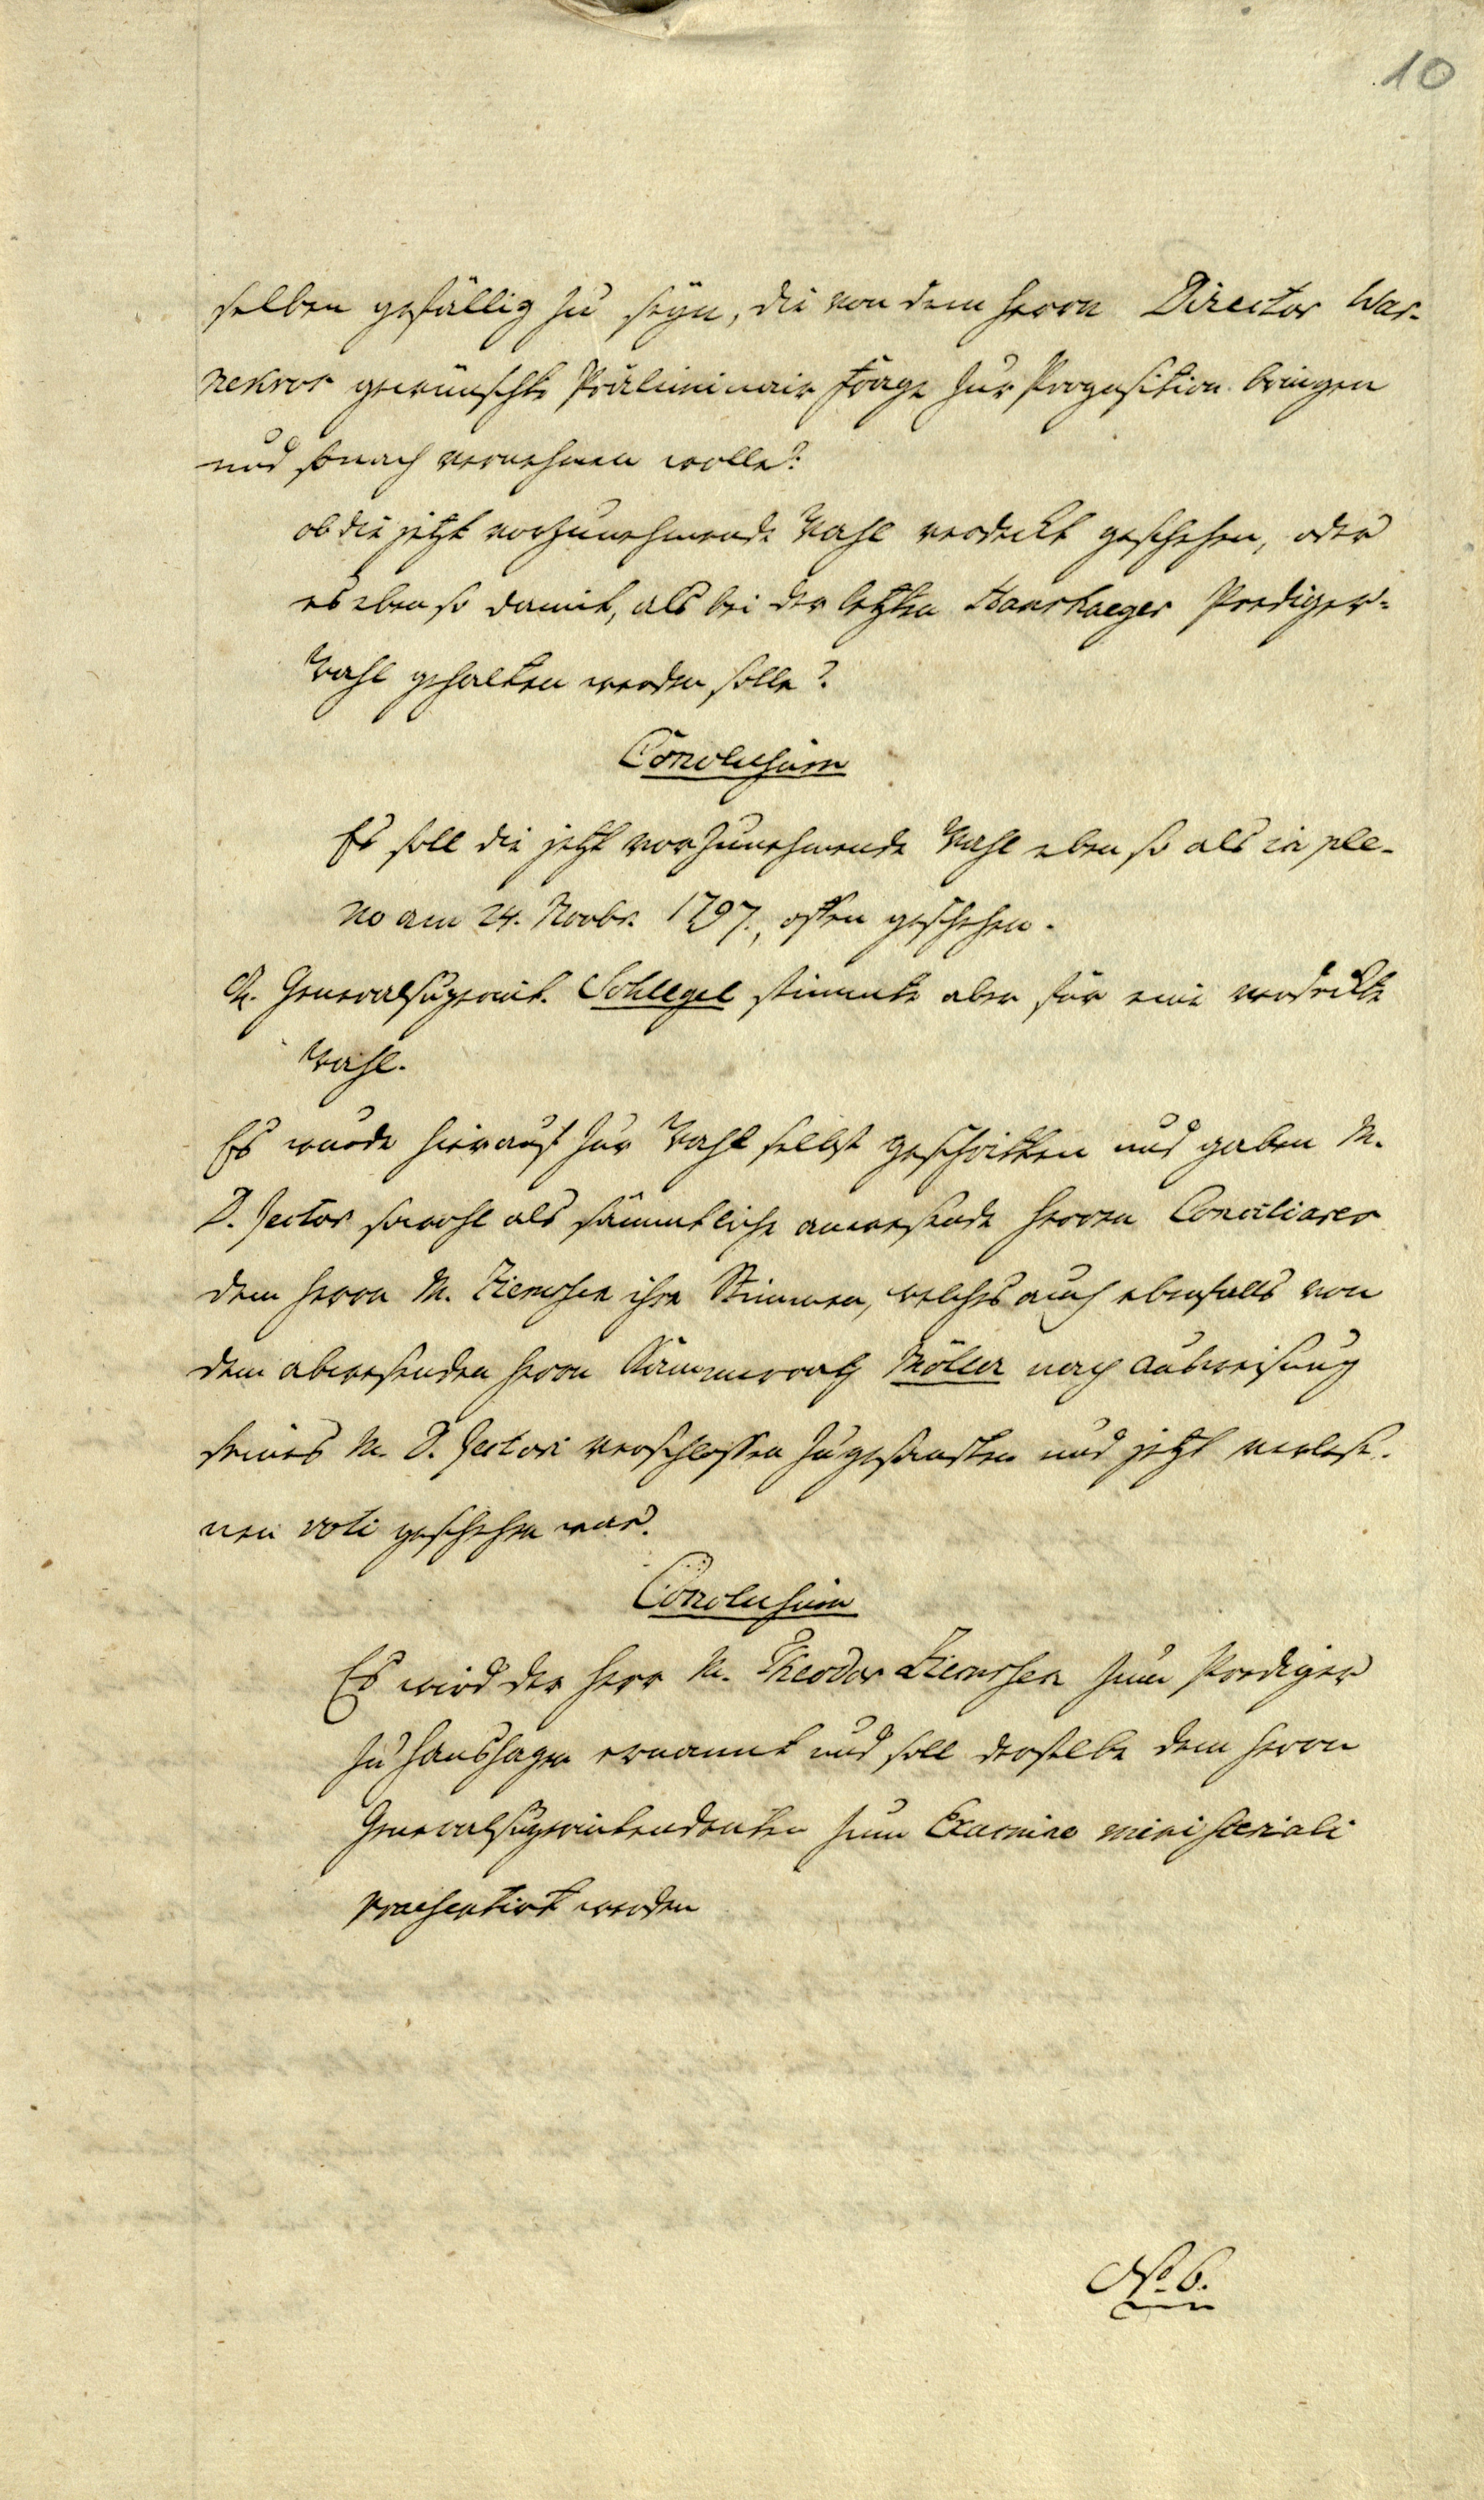selben gefällig zu seÿn, die von dem herrn Director War¬
nekros gewünschte Präliminair Frage zur Proposition bringen
und sonach vernehmen wolle:
ob die jetzt vorzunehmende Wahl verdeckt geschehen, oder
es eben so damit, als bei der letzten Hanshaeger Prediger¬
Wahl gehalten werden solle?
Conclusum
Es soll die jetzt vorzunehmende Wahl eben so als in ple¬
no am 24. Novbr. 1797., offen geschehen.
dh. Generalsuperint. Schlegel stimmte aber für eine verdeckte
Wahl.
Es wurde hierauf zur Wahl selbst geschritten und gaben M.
D. Rector sowohl als sämmtliche anwesende herren Conciliares
dem herrn M. Ziemssen ihre Stimmen, welches auch ebenfalls von
dem abwesenden herrn Kammerrath Möller nach Ausweisung
seines M. D. Rector verschlossen zugesandten und jetzt verlese¬
nen voti geschehen war.
Conclusum
Es wird der herr M. Theodor Ziemssen zum Prediger
zu hanshagen ernannt und soll derselbe dem herrn
Generalsuperintendenten zum Examino ministeriali
praesentirt werden.
Nº 6.